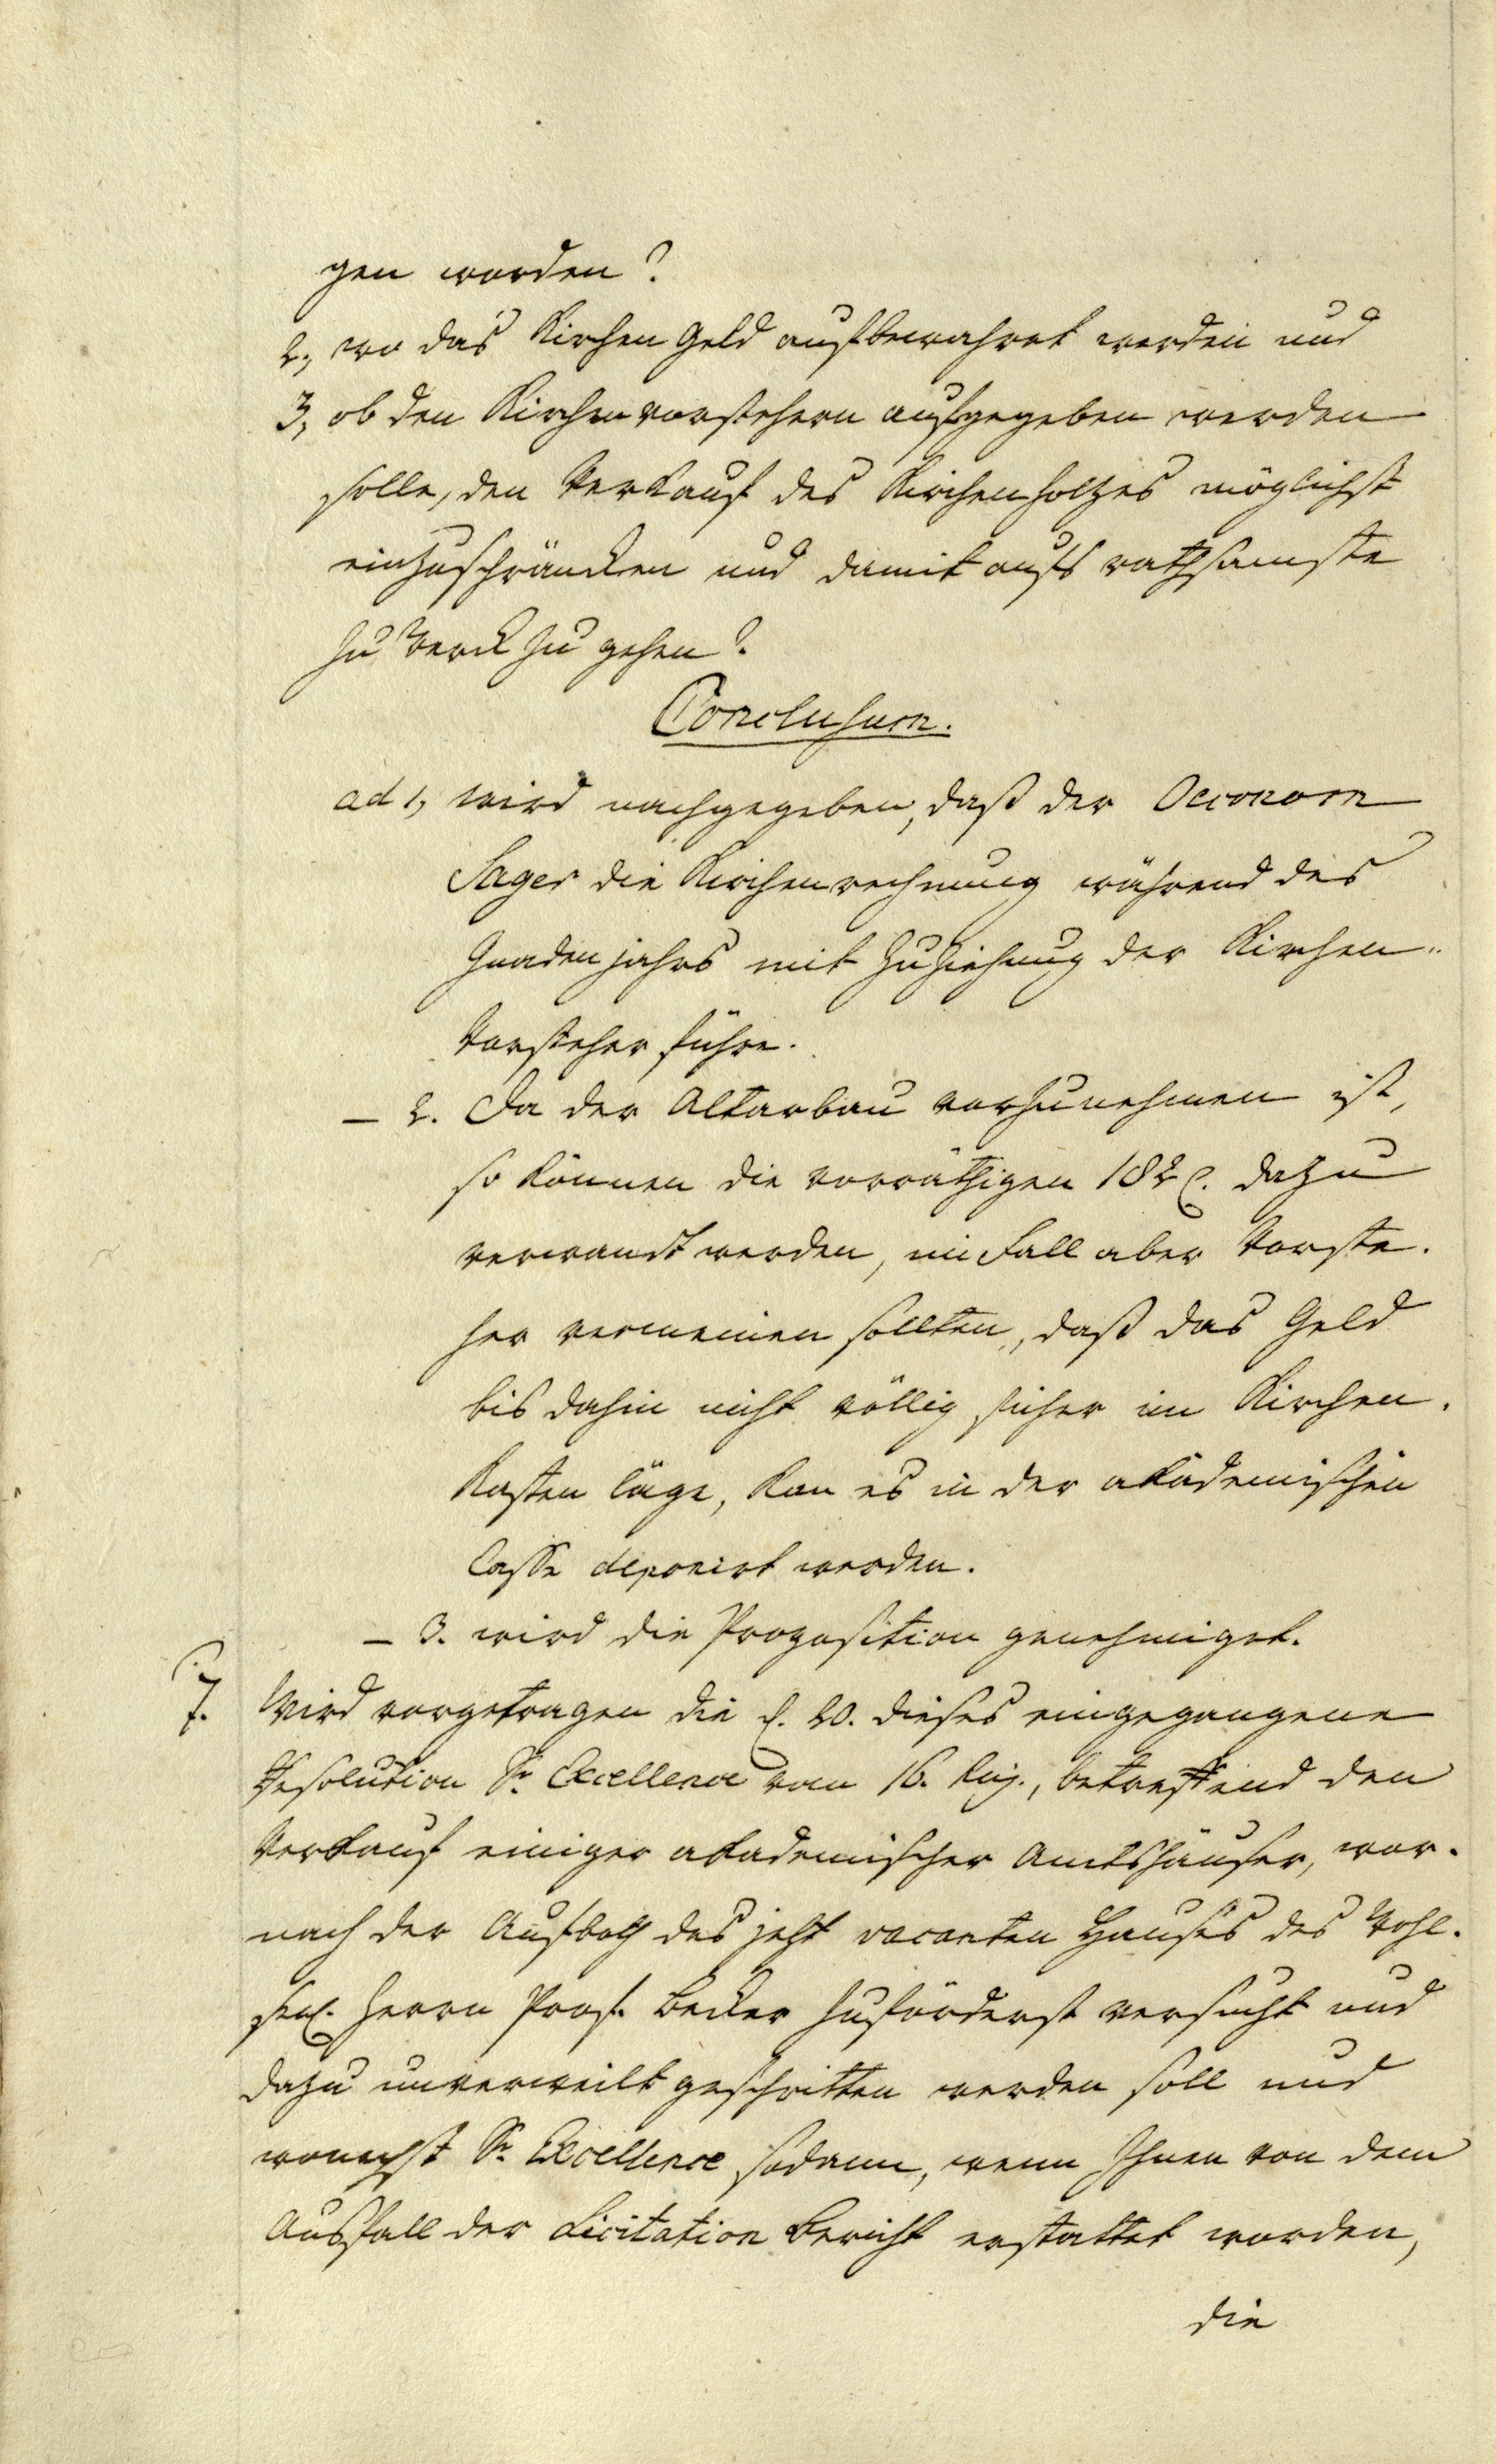gen worden ?
2., wo das Kirchen Geld aufbewahret werden und
3., ob den Kirchenvorstehern aufgegeben werden
solle, den Verkauf des Kirchenholzes möglichst
einzuschräncken und damit aufs rathsamste
zu Werck zu gehen?
Conclusum.
ad 1., wird nachgegeben, daß der Oeconom
Sager die Kirchenrechnug während des
Gnadenjahrs mit Zuziehnung der Kirchen¬
Vorsteher führe.
2. Da der Altarbau vorzunehmen ist,
so können die vorräthigen 182 l. dazu
verwandt werden, im Fall aber Vorste¬
her vermeinen sollten, daß das Geld
bis dahin nicht völlig sicher im Kirchen¬
Kasten läge, kan es in der akademischen
Casse deponirt werden.
3. wird die Proposition genehmiget.
7. Wird vorgetragen die d. 20. dieses eingegangene
Resolution Sr Excellence vom 16. huj., betreffend den
Verkauf einiger Akademischer Amtshäuser, wor¬
nach der Aufboth des jetzt vacanten Hauses des Wohl¬
seel. Herrn Prof. Becker zuförderst versucht und
dazu unverweilt geschritten werden soll und
wonechst Sr Excellence sodann, wenn Ihnen von dem
Ausfall der Licitation Bericht erstattet worden,
die